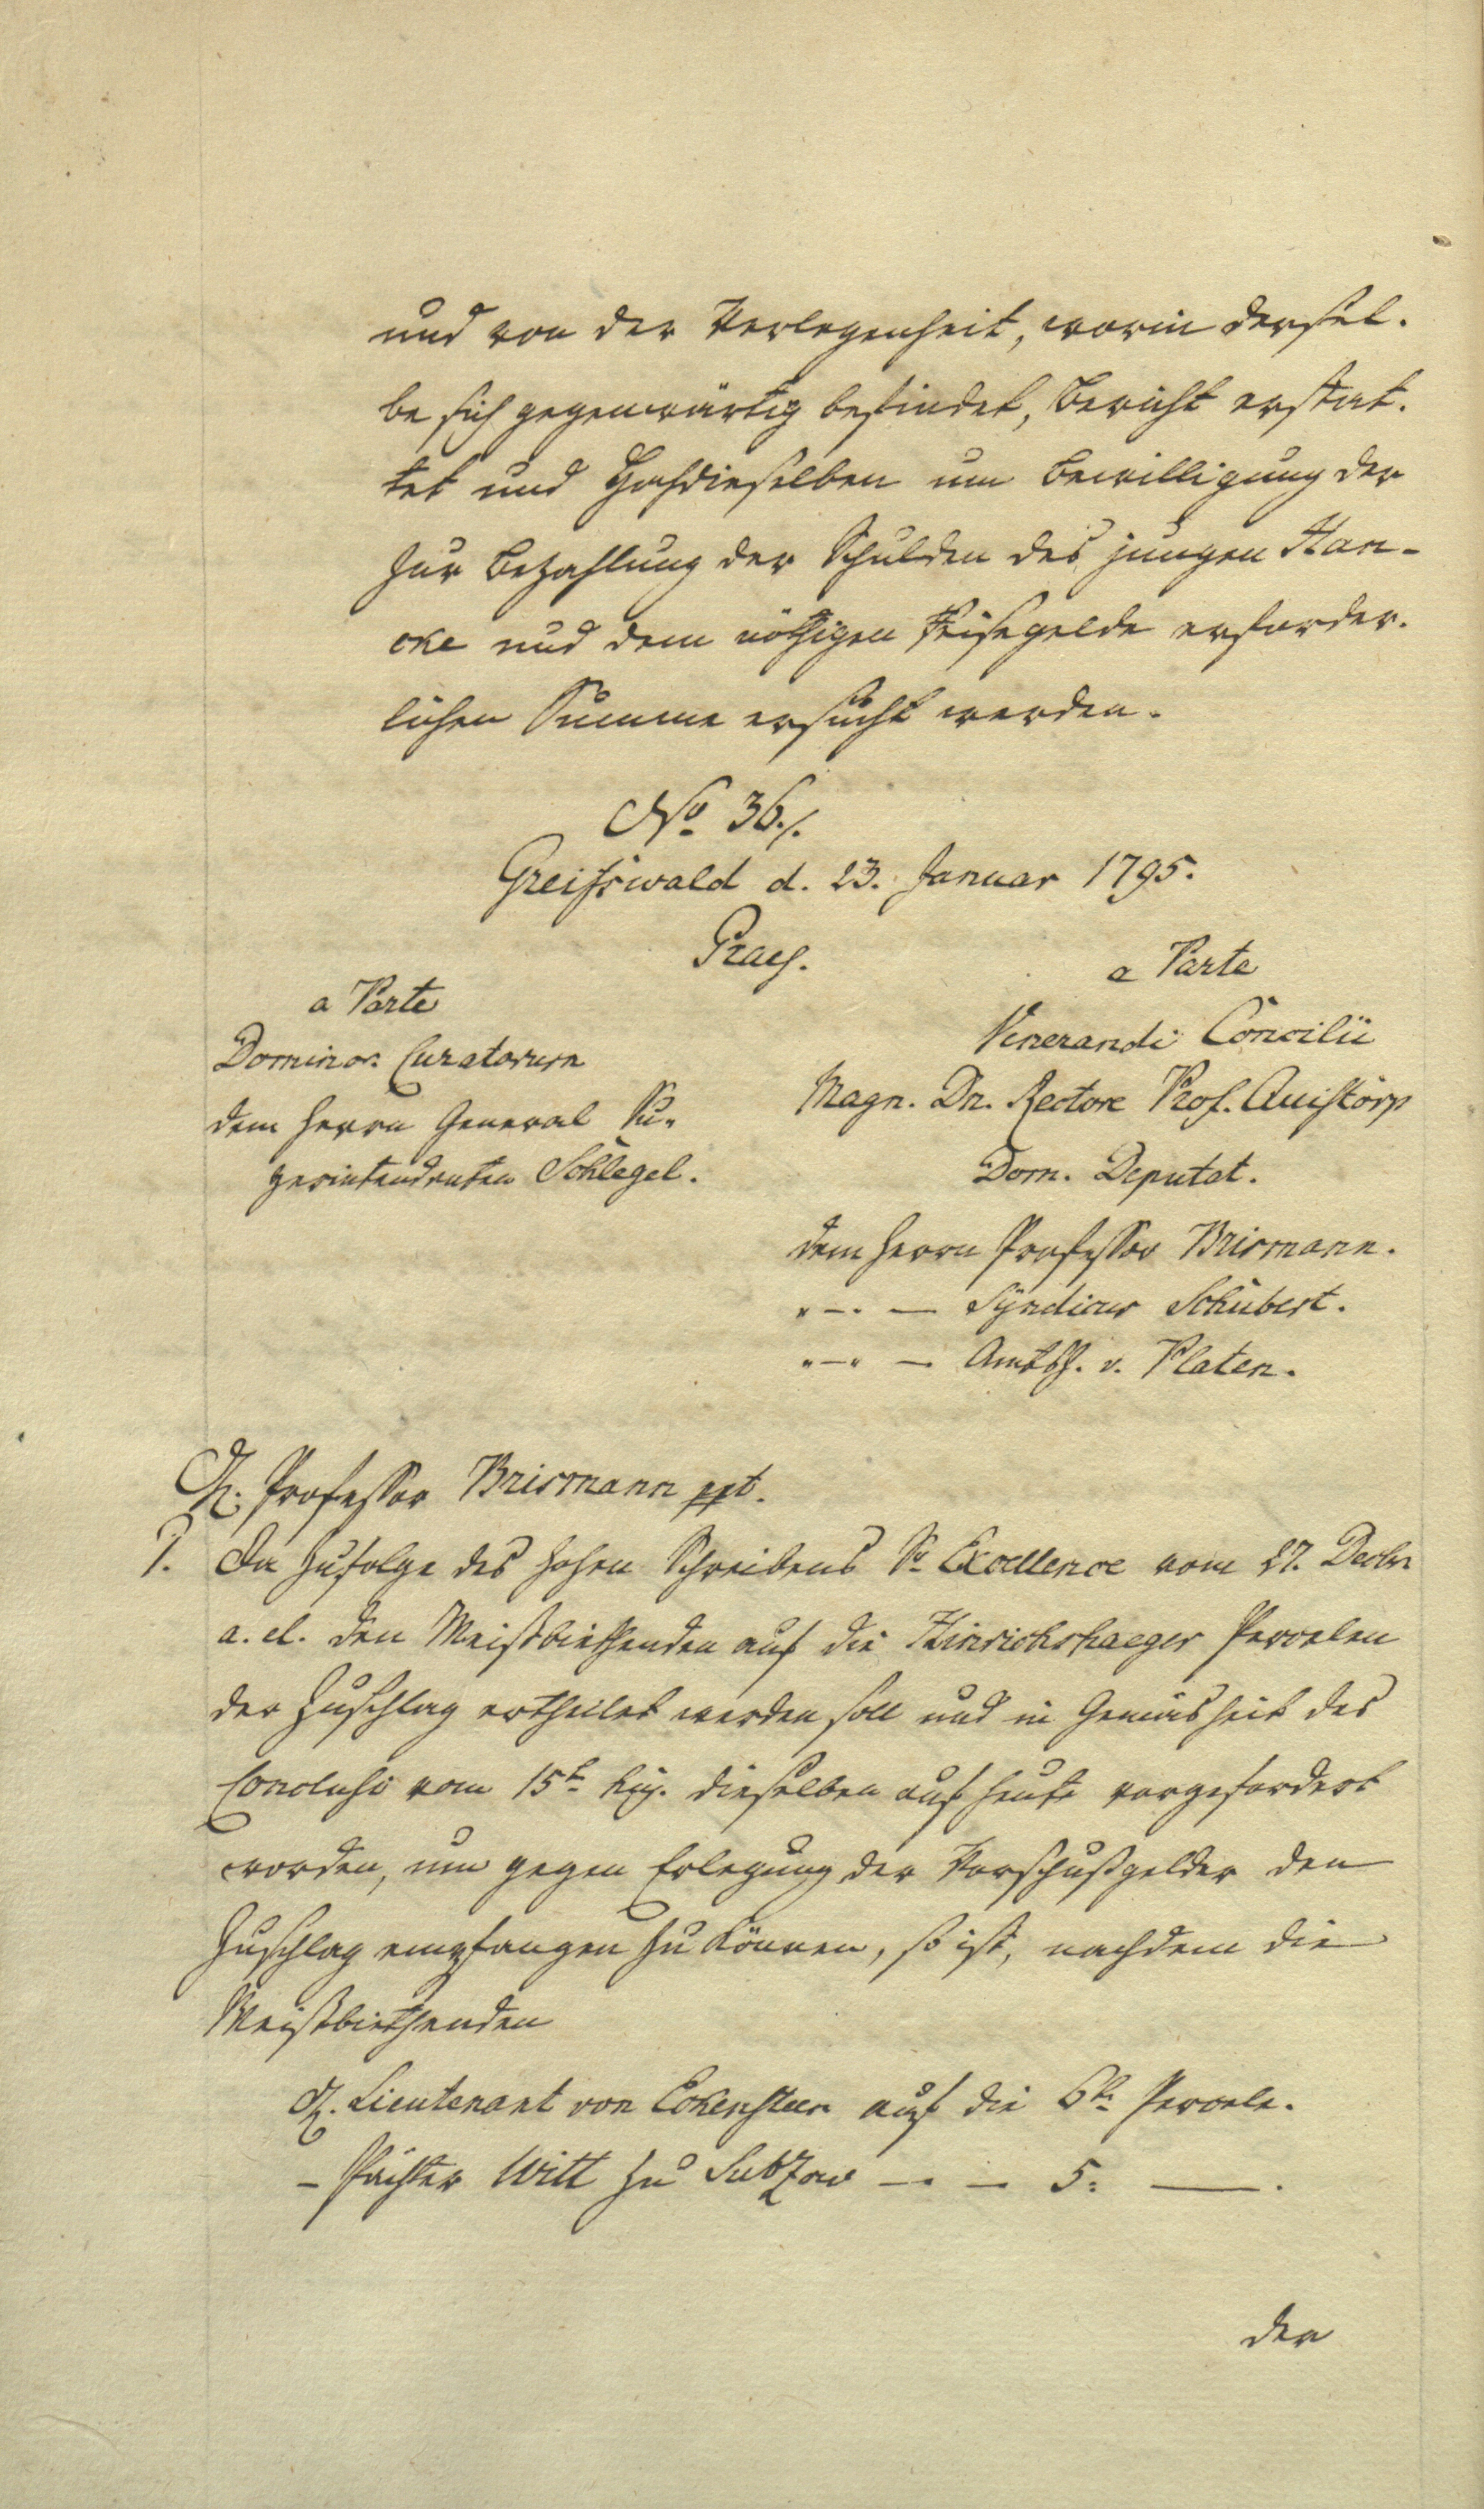und von der Verlegenheit, worin dersel¬
be sich gegenwärtig befindet, Bericht erstat¬
tet und Hochdieselben um Bewilligung der
zur Bezahlung der Schulden des jungen Han¬
cke und dem nöthigen Reisegelde erforder¬
lichen Summe ersucht werden.
No 36.
Greifswald d. 23. Januar 1795.
Praes.
a Parte a Parte
Domino. Curatorum Venerandi Concilii
dem Herrn General Su¬ Magn. Dn. Rectore Prof. Quistorp
perintendenten Schlegel. Dom. Deputat.
dem Herrn Professor Brismann.
Sÿndicus Schubert.
Amtsh. v. Platen.
dh. Professor Brismann ppt.
1. Da zufolge des hohen Schreibens Sr Excellence vom 27. Decbr.
a. el. den Meistbiethenden auf die Hinrichshaeger Percelen
der Zuschlag ertheilet werden soll und in Gemäsheit des
Conclusi vom 15 t. huj. dieselben auf heute vorgefordert
worden, um gegen Erlegung der Vorschußgelder den
Zuschlag empfangen zu können, so ist, nachdem die
Meistbiethenden
dh. Lieutenant von Eckensteen auf die 6 te Percele.
Pächter Witt zu Subzow 5.
der